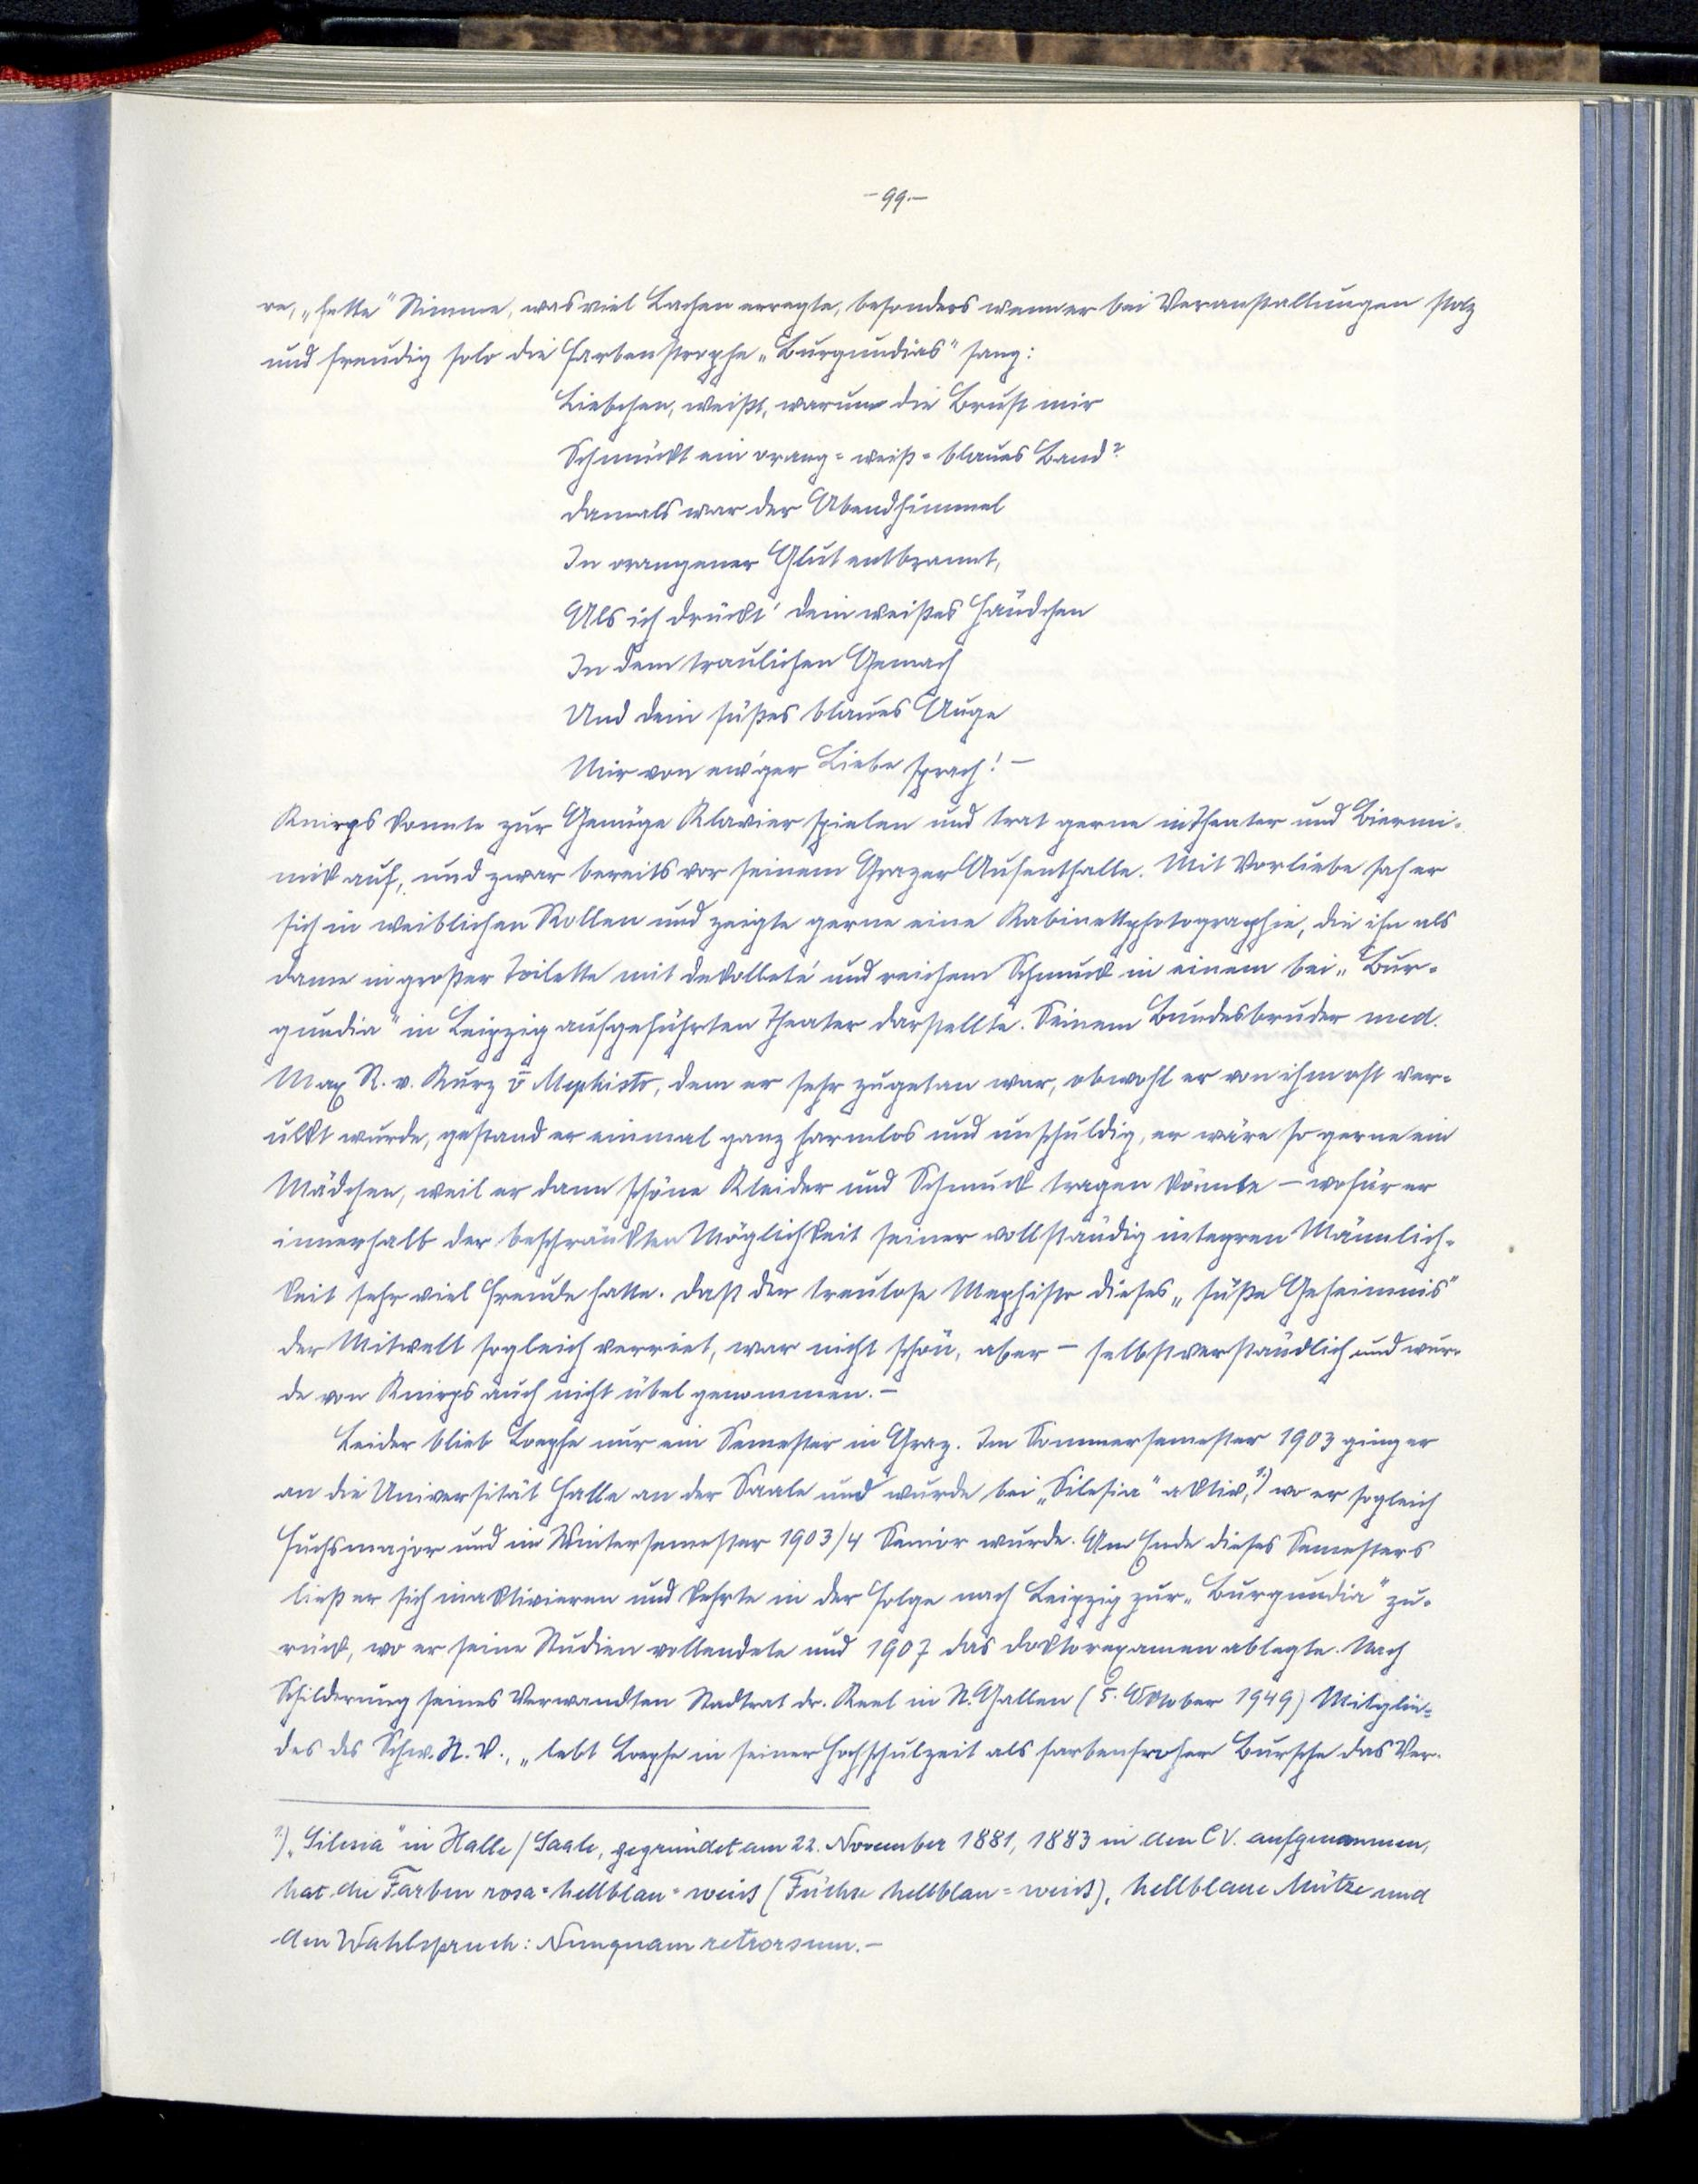99
re, „fette" Stimme, was viel Lachen erregte, besonders wenn er bei Veranstaltungen stolz
und freudig solo die Farbenstrophe "Burgundias" sang:
Liebchen, weißt, warum die Brust mir
Schmückt ein orang-weiß-blaues Band?
Damals war der Abendhimmel
In orangener Glut entbrannt,
Als ich drückt' Dein weißes Händchen
In dem traulichen Gemach
Und dein süßes blaues Auge
Mir von ewiger Liebe sprach!-
Knirps konnte zur Genüge Klavier spielen und trat gerne in Theater und Biermi-
mik auf, und zwar bereits vor seinem Grazer Aufenthalte. Mit Vorliebe sah er
sich in weiblichen Rollen und zeigte gerne eine Kabinettphotographie, die ihn als
Dame in großer Toilette mit Dekollete und reichem Schmuck in einem bei „Burg-
gundia“ in Leipzig aufgeführten Theater darstellte. Sinem Bundesbruder med.
Max R. v. Kurz v/o Mephisto, dem er sehr zugetan war, obwohl er von ihm oft ver-
ulkt wurde, gestand er einmal ganz harmlos und unschuldig, er wäre so gerne ein
Mädchen, weil er dann schöne Kleider und Schmuck tragen könnte - wofür er
innerhalb der beschränkten Möglichkeit seiner vollständig integren Männlich-
keit sehr viel Freude hatte. Dass der treulose Mephisto dieses „süße Geheimnis"
der Mitwelt sogleich verriet, war nicht schön, aber -selbstverständlich und wur-
de von Knirps auch nicht übel genomnen.
Leider blieb Loepfe nur ein Semester in Graz. Im Sommersemester 1903 ging er
an die Universität Halle an der Saale und wurde bei „Silesia“ aktiv 1) wo er sogleich
Fuchsmajor und im Wintersemester 1903/4 Senior wurde. Am Ende dieses Semesters
ließ er sich inaktivieren und kehrte in der Folge nach Leipzig zur „Burgundia“ zu-
rück, wo er sein Studien vollendete und 1907 das Doktorexamen ablegte. Nach
Schilderung seines Verwandten Stadtrat Dr. Keel in St. Gallen (5. Oktober 1949) Mitglie-
des des Schw. St. V, "lebt Loepfe in seiner Hochschulzeit als farbenfrohe Bursche das Ver-
1) Silesia" in Halle (Saale, gegründet am 22. November 1881, 1883 in den CV aufgenommen,
hat die Farben rosa-hellblau- weiß (Fuchs hellblau -weiß) hellblaue Mütze und
den Wahlspruch: Nunquam retrorsum